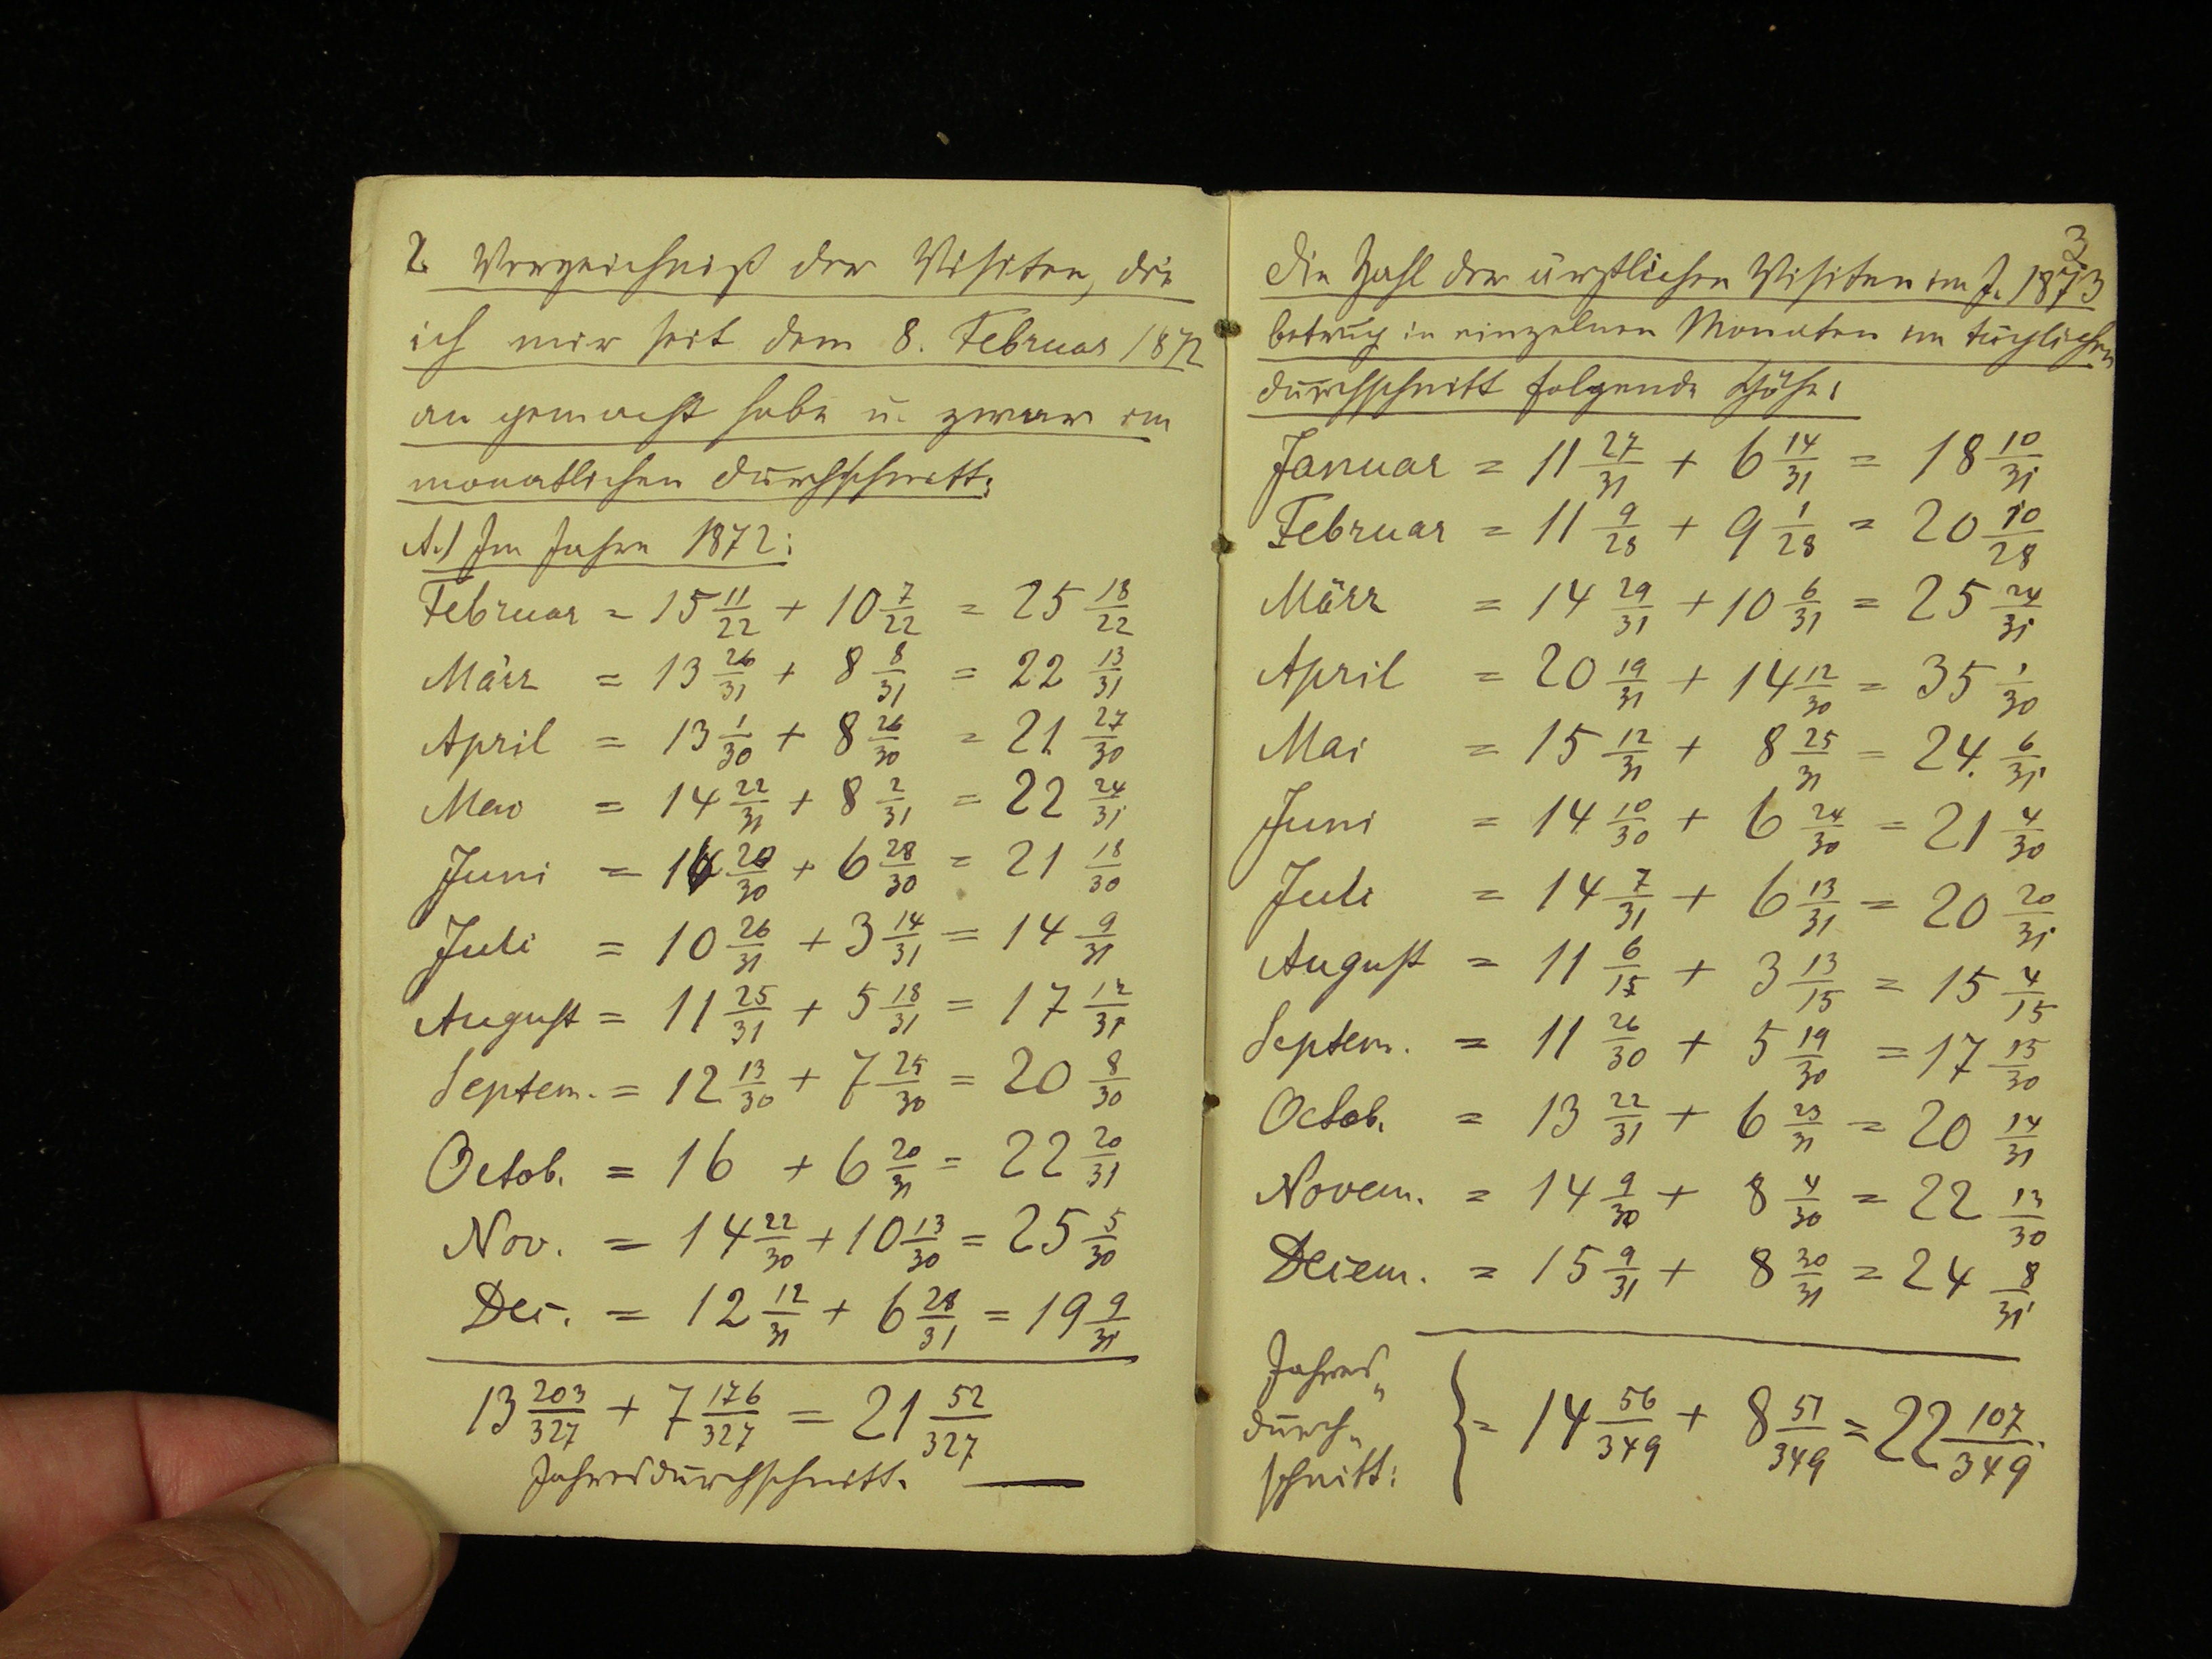2
Verzeichniß der Visiten, die
ich mir seit dem 8. Februar 1872
an gemacht habe und zwar von
monatlichem Durchschnitt:
A.) Im Jahr 1872:
Februar = 15 11/22 + 10 7/22 = 25 18/22
März = 13 26/31 + 8 8/31 = 22 22/31
April = 13 1/30 + 8 26/30 = 21 27/30
Mai = 14 22/31 + 8 2/31 = 22 24/31
Juni = 14 20/30 + 6 28/30 = 21 18/30
Juli = 10 26/31 + 3 14/31 = 14 9/31
August = 11 25/31 + 5 18/31 = 17 12/31
Septem. = 12 13/30 + 7 25/30 = 20 20/31
Oktob. = 16 + 6 20/31 = 22 20/31
Nov. = 14 22/30 + 10 13/30 = 25 5/30
Dez. = 12 12/31 + 6 21/31 = 19 9/31
13 203/327 + 7 176/327 = 21 52/327
Jahresdurchschnitt.
3
Die Zahl der ärztlichen Visiten im J. 1873
betrug in einzelnen Monaten im täglichen
Durchschnitt folgende Höhe:
Januar = 11 27/31 + 6 14/31 = 18 10/31
Februar = 11 9/28 + 9 1/28 = 20 10/28
März = 14 29/31 + 10 6/31 = 25 24/31
April = 20 19/31 + 14 12/30 = 35 1/30
Mai = 15 12/31 + 8 25/31 = 24 6/31
Juni = 14 10/30 + 6 24/30 = 21 4/30
Juli = 14 7/31 + 6 13/31 = 20 20/31
August = 11 6/15 + 3 13/15 = 15 4/15
Septem. = 11 26/30 + 5 19/30 = 17 15/30
Oktob. = 13 22/31 + 6 23/31 = 20 14/31
Novem. = 14 9/30 + 8 4/30 = 22 13/30
Dezem. = 15 9/31 + 8 30/31 = 24 8/31
Jahres¬
Durch¬
schnitt:
= 14 56/349 + 8 57/349 = 22 107/349